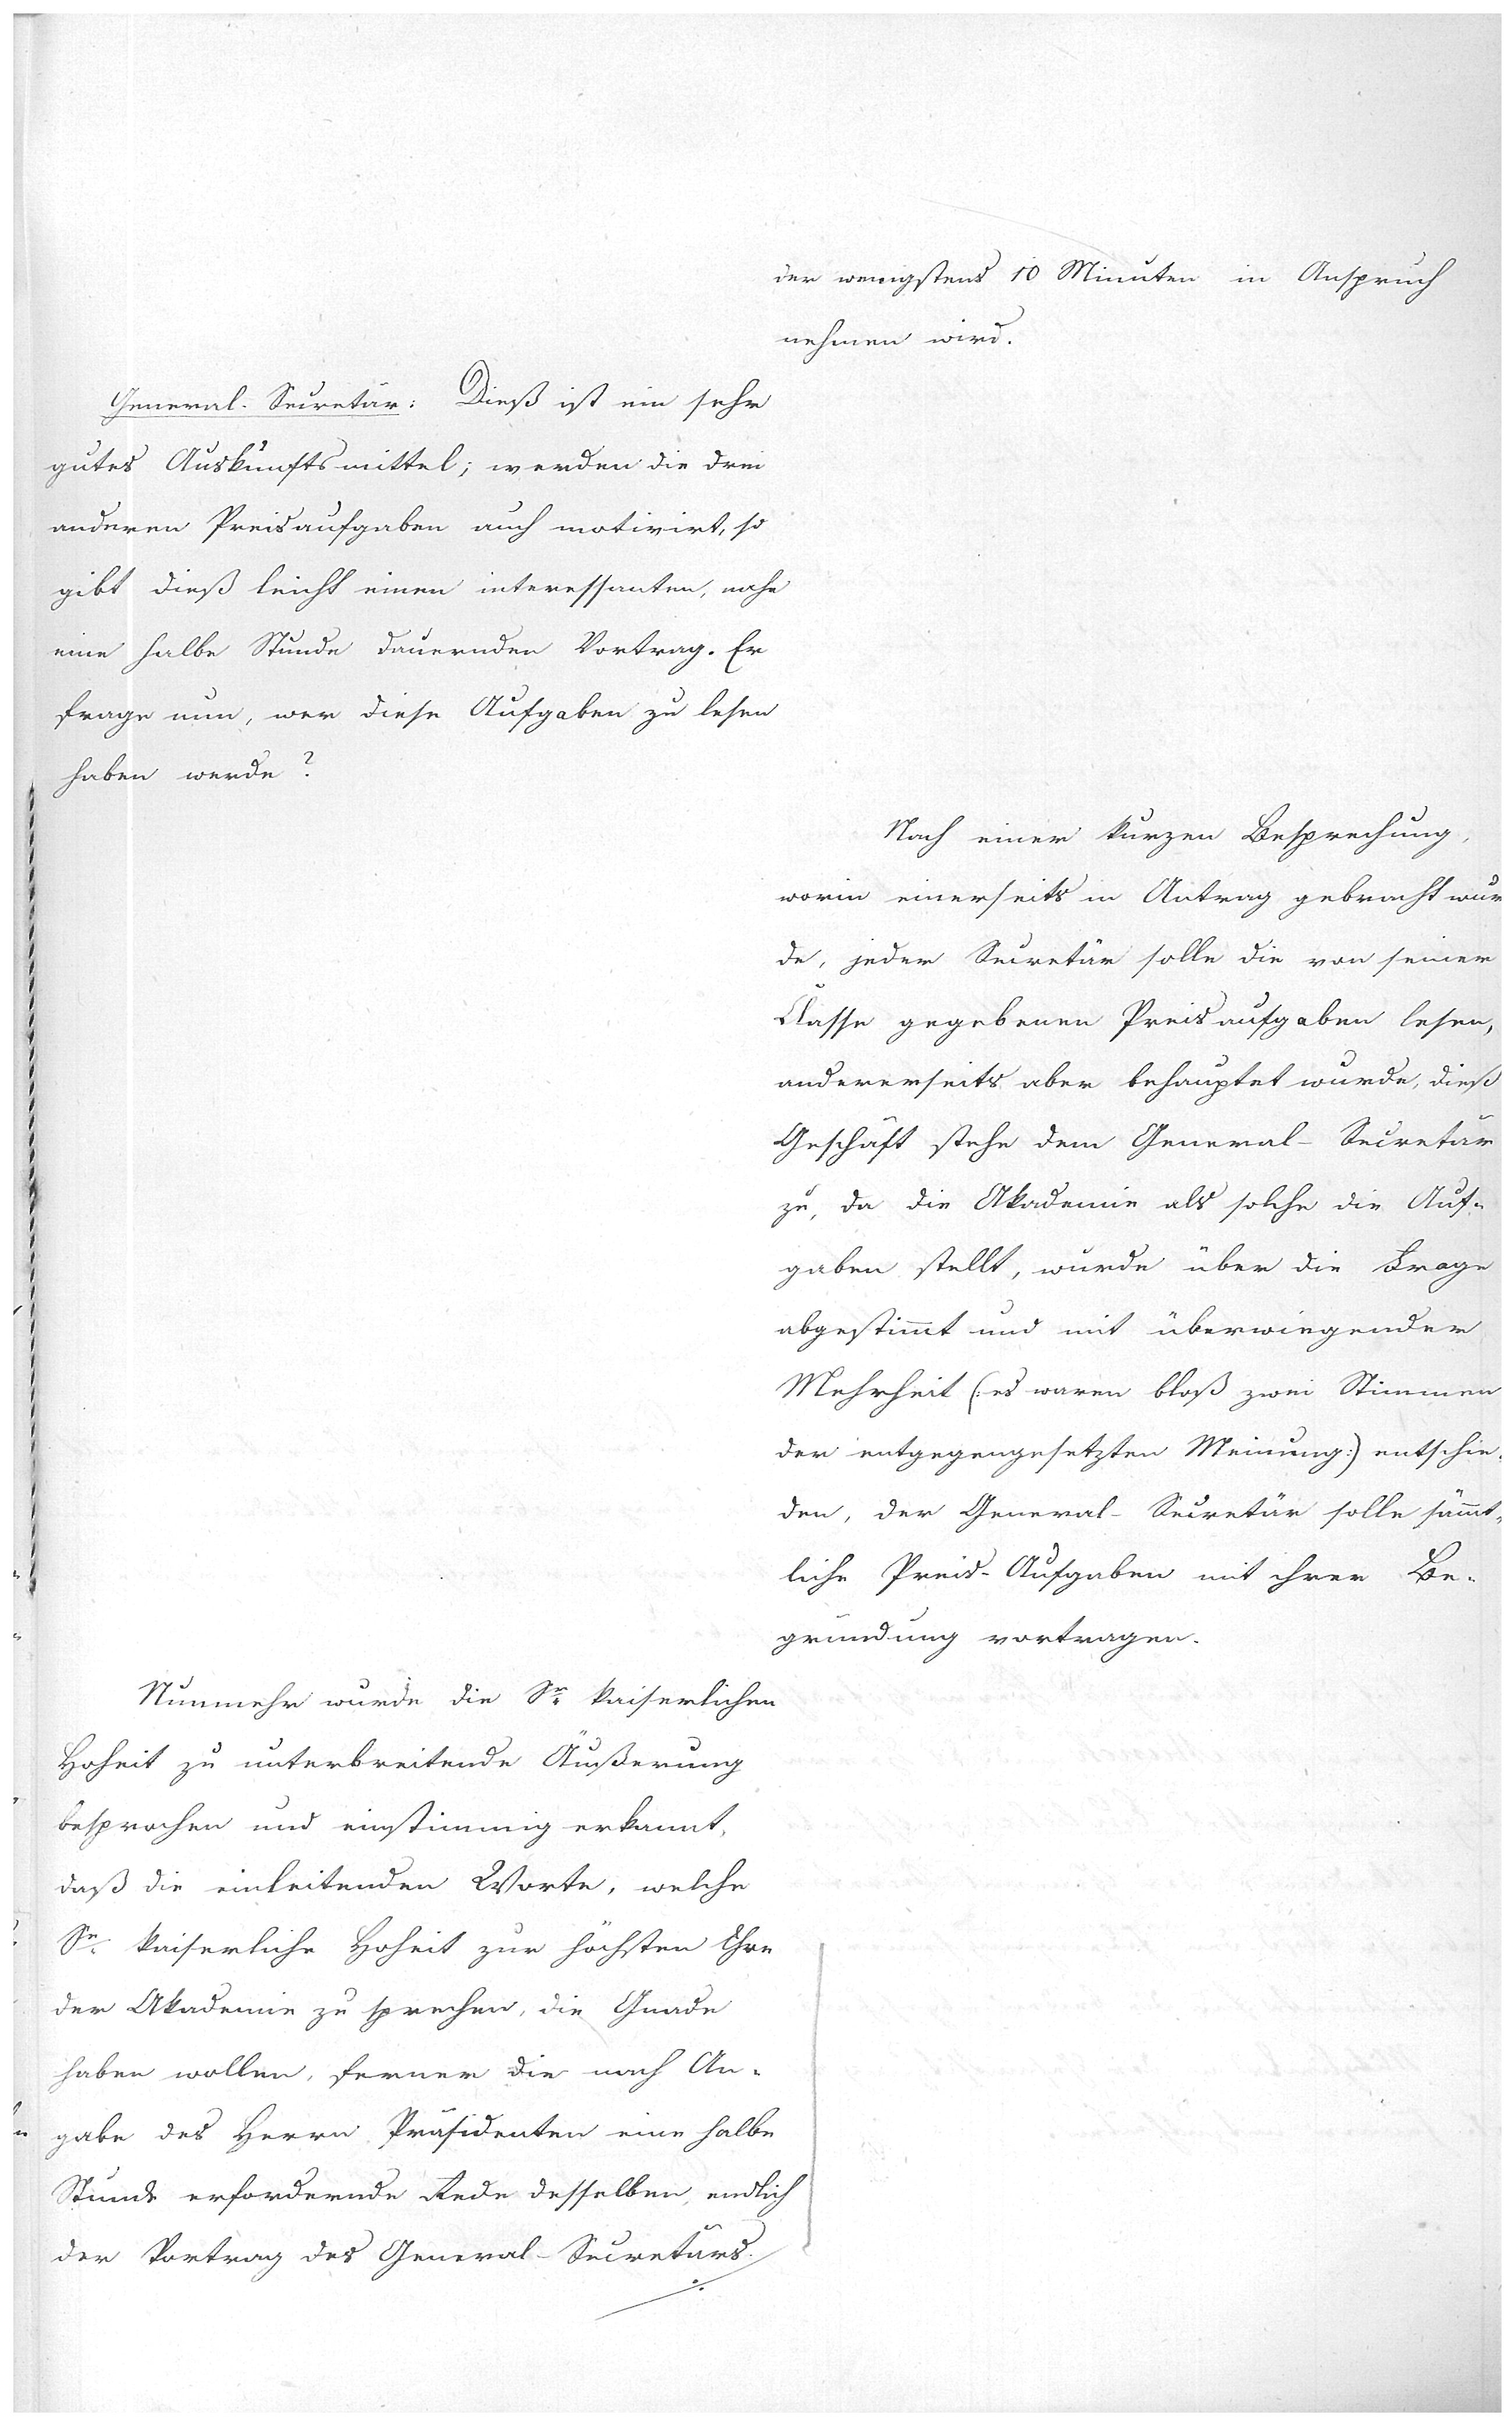der wenigstens 10 Minuten im Anspruch
nehmen wird.
General-Secretär: Dieß ist ein sehr
gutes Auskunftsmittel; werden die drei
anderen Preisaufgaben auch motivirt, so
gibt dieß leicht einen interessanten, nahe
einer halben Stunde dauernden Vortrag. Er
frage nun, wer diese Aufgaben zu lesen
haben werde?
Nach einer kurzen Besprechung,
worin einerseits in Antrag gebracht wur-
de, jeder Secretär solle die von seiner
Classe gegebenen Preisaufgaben lesen,
andererseits aber behauptet wurde, dieß
Geschäft stehe dem General-Secretär
zu, da die Akademie als solche die Auf-
gaben stellt, wurde ber die Frage
abgestimmt und mit überwiegender
Mehrheit (es waren bloß zwei Stimmen
der entgegengesetzten Meinung) entschie-
den, der General-Secretär solle sämmt-
liche Preis-Aufgaen mit ihrer Be-
gründung vortragen.
Nunmehr wurde die Sr. kaiserlichen
Hoheit zuunterbreitende Äußerung
besprochen und einstimmig erkannt,
daß die einleitenden Worte, welche
Sr. kaiserliche Hoheit zur höchsten Ehre
der Akademie zu sprechen die Gnade
haben wollen, ferner die nach An-
gabe des Herrn Präsidenten eine halbe
Stunde erfordernde Rede desselben, endlich
der Vortrag des General-Secretärs